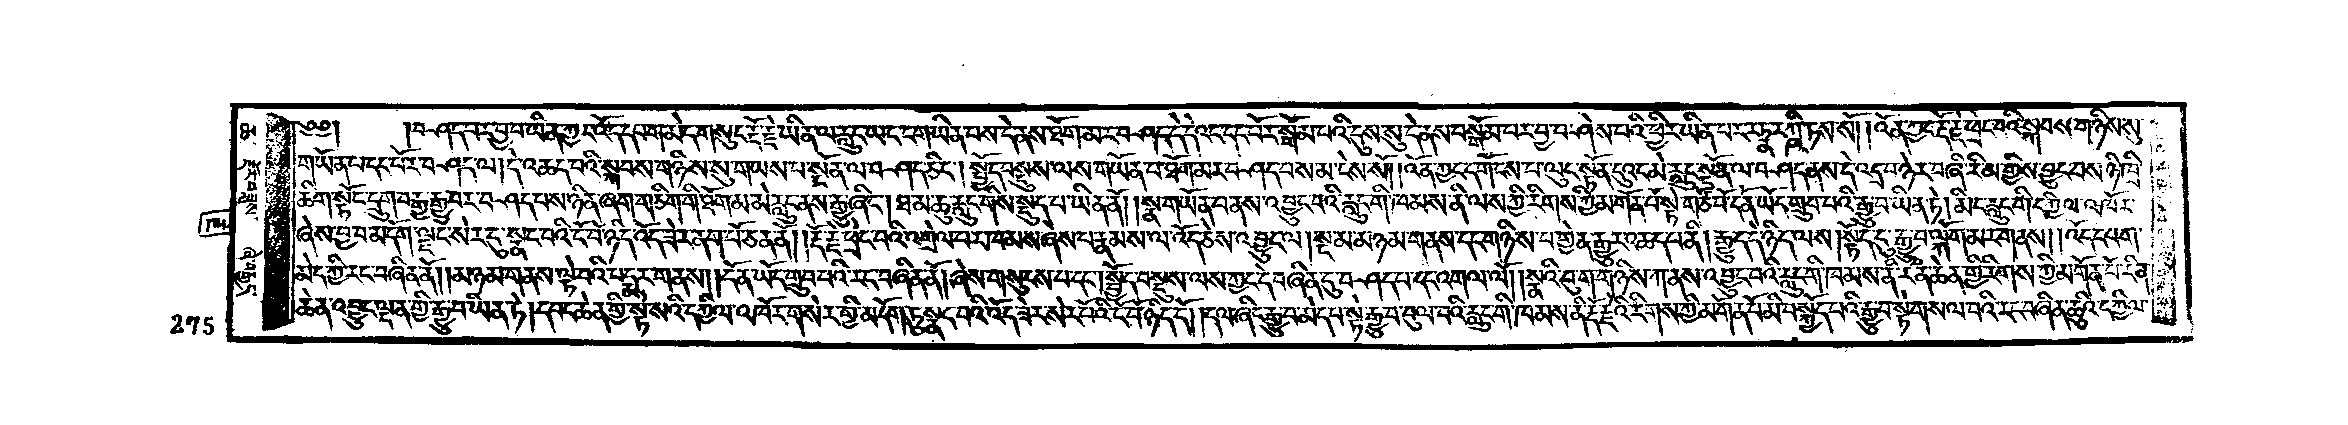༄༅། །བཤད་པར་བྱ་བ་ཡིན་ཀྱང་འོད་དཔག་མེད་གསུང་རྡོ་རྗེ་ཡིན་ལ་རླུང་ཡང་ངག་ཡིན་པས་དེ་ནས་ཐོག་མར་བཤད་དེ་དེའང་དང་པོར་སྒོམ་པའི་དུས་སུ་དེ་ནས་བསྒོམ་པར་བྱ་བ་ཤེས་པའི་ཕྱིར་ཡིན་པར་རཏྣ་རཀྵི་ཏས་སོ། །འོན་ཀྱང་རྡོ་རྗེ་ཕྲེང་བའི་སྐབས་གཉིས་སུ་
གཡོན་པ་དང་པོར་བཤད་ལ། དེ་འཆད་པའི་སྐབས་གཉིས་སུ་གཡས་པ་སྔོན་ལ་བཤད་ཅིང་། སྤྱོད་བསྡུས་ལས་གཡོན་པ་ཐོག་མར་བཤད་པས་མ་ངེས་སོ། །འོན་ཀྱང་དགོངས་པ་ལུང་སྟོན་དུའང་མེ་རླུང་སྔོན་ལ་བཤད་ནས་དེ་འདྲ་བ་ཉེར་བཞི་རིམ་གྱིས་བྱུང་བས་ཉི་ཁྲི་
ཆིག་སྟོང་དྲུག་བརྒྱ་རྒྱུ་བར་བཤད་པས་ཉིན་ཞག་གཅིག་གི་ཐོག་མ་མེ་རླུང་ནས་རྒྱུ་ཞིང་། ཐ་མ་ཆུ་རླུང་གིས་སྡུད་པ་ཡིན་ནོ། །སྣ་གཡོན་པ་ནས་འབྱུང་བའི་རླུང་གི་ཁམས་ནི་ལས་ཀྱི་རིགས་ཀྱི་མགོན་པོ་སྟེ་གཙོ་བོ་དོན་ཡོད་གྲུབ་པའི་རྒྱུ་བ་ཡིན་ཏེ། མིང་རླུང་གི་དཀྱིལ་འཁོར་
ཞེས་བྱ་བ་མདོག་ལྗང་སེར་དུ་སྣང་བའི་ངོ་བོ་ཉིད་འོད་ཟེར་ནག་པོ་ཅན་ནོ། །རྡོ་རྗེ་ཕྲེང་བའི་འགྲེལ་པར་ཁམས་ཞེས་པ་རྣམས་ལ་འོད་ཅེས་འབྱུང་ལ། སྔ་མ་མཉམ་གནས་དང་གཉིས་པ་གྱེན་རྒྱུར་འཆད་པ་ནི། རྒྱུད་དེ་ཉིད་ལས། སྟོད་དུ་རྒྱུ་བ་ལྐོག་མར་གནས། །འོད་དཔག་
མེད་ཀྱི་རང་བཞིན་ནོ། །མཉམ་གནས་ལྟེ་བའི་པདམར་གནས། །དོན་ཡོད་གྲུབ་པའི་རང་བཞིན་ནོ། ཞེས་གསུངས་པ་དང་། སྤྱོད་བསྡུས་ལས་ཀྱང་དེ་བཞིན་དུ་བཤད་པ་དང་འགལ་ལོ། །སྣའི་བུ་ག་གཉིས་ཀ་ནས་འབྱུང་བའི་རླུང་གི་ཁམས་ནི་རིན་ཆེན་གྱི་རིགས་ཀྱི་མགོན་པོ་རིན་
ཆེན་འབྱུང་ལྡན་གྱི་རྒྱུ་བ་ཡིན་ཏེ། དབང་ཆེན་གྱི་སྟེ་སའི་དཀྱིལ་འཁོར་གསེར་གྱི་མདོག་ཏུ་སྣང་བའི་འོད་ཟེར་སེར་པོའི་ངོ་བོ་ཉིད་དོ། །དལ་ཞིང་རྒྱུ་བ་མེད་པ་སྟེ་རྒྱུ་བ་བུལ་བའི་རླུང་གི་ཁམས་ནི་རྡོ་རྗེའི་རིགས་ཀྱི་མགོན་པོ་མི་བསྐྱོད་པའི་རྒྱུ་བ་སྟེ་གསལ་བའི་རང་བཞིན་ཆུའི་དཀྱིལ་